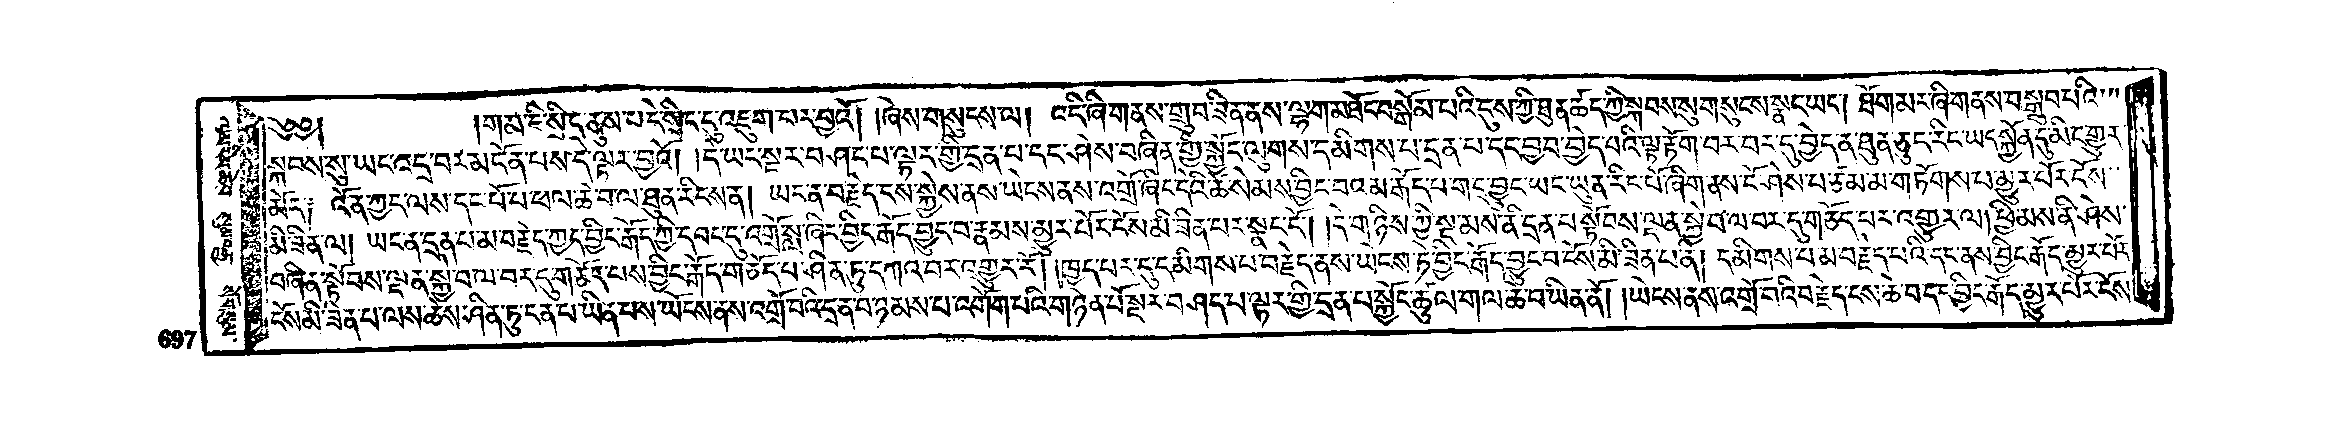༄༅། །གམ་ཇི་སྲིད་ནུས་པ་དེ་སྲིད་དུ་འཇུག་པར་བྱའོ། །ཞེས་གསུངས་ལ། འདི་ཞི་གནས་གྲུབ་ཟིན་ནས་ལྷག་མཐོང་བསྒོམ་པའི་དུས་ཀྱི་ཐུན་ཚད་ཀྱི་སྐབས་སུ་གསུངས་སྣང་ཡང་། ཐོག་མར་ཞི་གནས་བསྒྲུབ་པའི་
སྐབས་སུ་ཡང་འདྲ་བར་མངོན་པས་དེ་ལྟར་བྱའོ། །དེ་ཡང་སྔར་བཤད་པ་ལྟར་གྱི་དྲན་པ་དང་ཤེས་བཞིན་གྱི་སྐྱོང་ལུགས་དམིགས་པ་དྲན་པ་དང་བྱ་ར་བྱེད་པའི་ལྟ་རྟོག་བར་བར་དུ་བྱེད་ན་ཐུན་ཅུང་རིང་ཡང་སྐྱོན་དུ་མི་འགྱུར་
མོད༑ འོན་ཀྱང་ལས་དང་པོ་པ་ཕལ་ཆེ་བ་ལ་ཐུན་རིངས་ན། ཡང་ན་བརྗེད་ངས་སྐྱེས་ནས་ཡེངས་ནས་འགྲོ་ཞིང་དེའི་ཚེ་སེམས་བྱིང་བའམ་རྒོད་པ་གང་བྱུང་ཡང་ཡུན་རིང་པོ་ཞིག་ནས་ངོ་ཤེས་པ་ཙམ་མ་གཏོགས་པ་མྱུར་པོར་ངོས་
མི་ཟིན་ལ། ཡང་ན་དྲན་པ་མ་བརྗེད་ཀྱང་བྱིང་རྒོད་ཀྱི་དབང་དུ་འགྲོ་སླ་ཞིང་བྱིང་རྒོད་བྱུང་བ་རྣམས་མྱུར་པོར་ངོས་མི་ཟིན་པར་སྣང་ངོ། །དེ་གཉིས་ཀྱི་སྔ་མས་ནི་དྲན་པ་སྟོབས་ལྡན་སྐྱེ་བ་ལ་བར་དུ་གཅོད་པར་འགྱུར་ལ། ཕྱི་མས་ནི་ཤེས་
བཞིན་སྟོབས་ལྡན་སྐྱེ་བ་ལ་བར་དུ་གཅོད་པས་བྱིང་རྒོད་གཅོད་པ་ཤིན་ཏུ་དཀའ་བར་འགྱུར་རོ། །ཁྱད་པར་དུ་དམིགས་པ་བརྗེད་ནས་ཡེངས་ཏེ་བྱིང་རྒོད་བྱུང་བ་ངོས་མི་ཟིན་པ་ནི། དམིགས་པ་མ་བརྗེད་པའི་ངང་ནས་བྱིང་རྒོད་མྱུར་པོར་
ངོས་མི་ཟིན་པ་ལས་ཆེས་ཤིན་ཏུ་ངན་པ་ཡིན་པས་ཡེངས་ནས་འགྲོ་བའི་དྲན་པ་ཉམས་པ་འགོག་པའི་གཉེན་པོ་སྔར་བཤད་པ་ལྟར་གྱི་དྲན་པ་སྐྱོང་ཚུལ་གལ་ཆེ་བ་ཡིན་ནོ། །ཡེངས་ནས་འགྲོ་བའི་བརྗེད་ངས་ཆེ་བ་དང་བྱིང་རྒོད་མྱུར་པོར་ངོས་